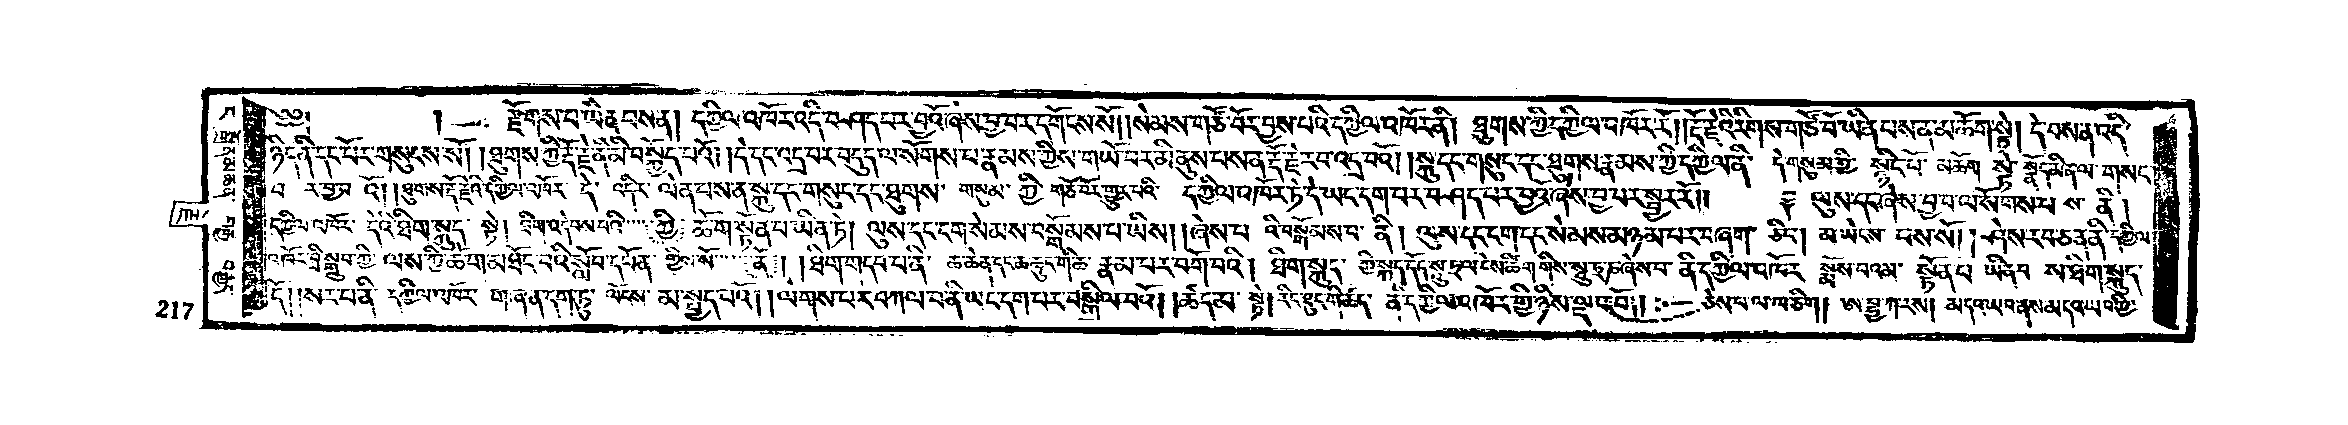༄༅། .H རྫོགས་པ་ཡིན་པས་ན། དཀྱིལ་འཁོར་འདི་བཤད་པར་བྱའོ་ཞེས་བྱ་བར་དགོངས་སོ། །སེམས་གཙོ་བོར་བྱས་པའི་དཀྱིལ་འཁོར་ནི། ཐུགས་ཀྱི་དཀྱིལ་འཁོར་རོ། །རྡོ་རྗེའི་རིགས་གཙོ་བོ་ཡིན་པས་ན་མཆོག་སྟེ། དེ་བས་ན་འདི་
ཉིད་ནི་དང་པོར་གསུངས་སོ། །ཐུགས་ཀྱི་རྡོ་རྗེ་ནི་མི་བསྐྱོད་པའོ། །དེ་དང་འདྲ་བར་བདུད་ལ་སོགས་པ་རྣམས་ཀྱིས་གཡོ་བར་མི་ནུས་པས་ན་རྡོ་རྗེ་རབ་འདྲ་བའོ། །སྐུ་དང་གསུང་དང་ཐུགས་རྣམས་ཀྱི་དཀྱིལ་ནི་དེ་གསུམ་གྱི་སྙིང་པོ་མཆོག་སྟེ་སྣོད་མིན་ལ་གསང་
བར་བྱ་བའོ། །ཐུགས་རྡོ་རྗེའི་དཀྱིལ་འཁོར་དེ་འདིར་ལེན་པས་ན་སྐུ་དང་གསུང་དང་ཐུགས་གསུམ་ཀྱི་གཙོ་བོར་གྱུར་པའི་དཀྱིལ་འཁོར་ཏེ་དེ་ཡང་དག་པར་བཤད་པར་བྱའོ་ཞེས་བྱ་བར་སྦྱར་རོ།། ༈ ལུས་དང་ཞེས་བྱ་བ་ལ་སོགས་པས་ནི།
དཀྱིལ་འཁོར་དེའི་ཐིག་སྐུད་སྟེ། ཐིག་འདེབས་པའི་ཀྱི་ཆོ་ག་སྟོན་པ་ཡིན་ཏེ། ལུས་དང་ངག་སེམས་བསྒོམས་པ་ཡིས། །ཞེས་པའི་བསྒོམས་པ་ནི། ལུས་དང་ངག་དང་སེམས་མཉམ་པར་བཞག་ཅིང་། མ་ཡེངས་པས་སོ། །ཤེས་རབ་ཅན་ནི་དཀྱིལ་
འཁོར་བྲི་སྒྲུབ་ཀྱི་ལས་ཀྱི་ཆོ་ག་མཐོང་བའི་སློབ་དཔོན་གྱིས་སོ་ནོ། །ཐིག་གདབ་པ་ནི་ཆ་ཆེན་དང་ཆ་ཆུང་གི་ཆ་རྣམ་པར་བགོ་བའི། ཐིག་སྐུད་ཀྱི་སྐད་དོད་སཱུ་ཏྲ་ལ་ངེས་ཚིག་གིས་སཱུ་ཏྲ་ཎ་ཞེས་པ་ནི་དཀྱིལ་འཁོར་སྨོས་བའམ་སྟོན་པ་ཡིན་པས་ཐིག་སྐུད་
དོ། །སར་པ་ནི་དཀྱིལ་འཁོར་གཞན་དག་ཏུ་ལོངས་མ་སྤྱད་པའོ། །ལེགས་པར་བཀལ་བ་ནི་ཡང་དག་པར་བསྒྲིལ་བའོ། །ཚད་མ་སྟེ། རིང་ཐུང་གི་ཚད་ནི་དཀྱིལ་འཁོར་གྱི་ཉིས་ལྡབ་བོ།། H.་ཅེས་པ་ལ་ཁ་ཅིག །ཨ་བྷྱ་ཀ་རས། མདའ་ཡབ་ནས་མདའ་ཡབ་ཀྱི་